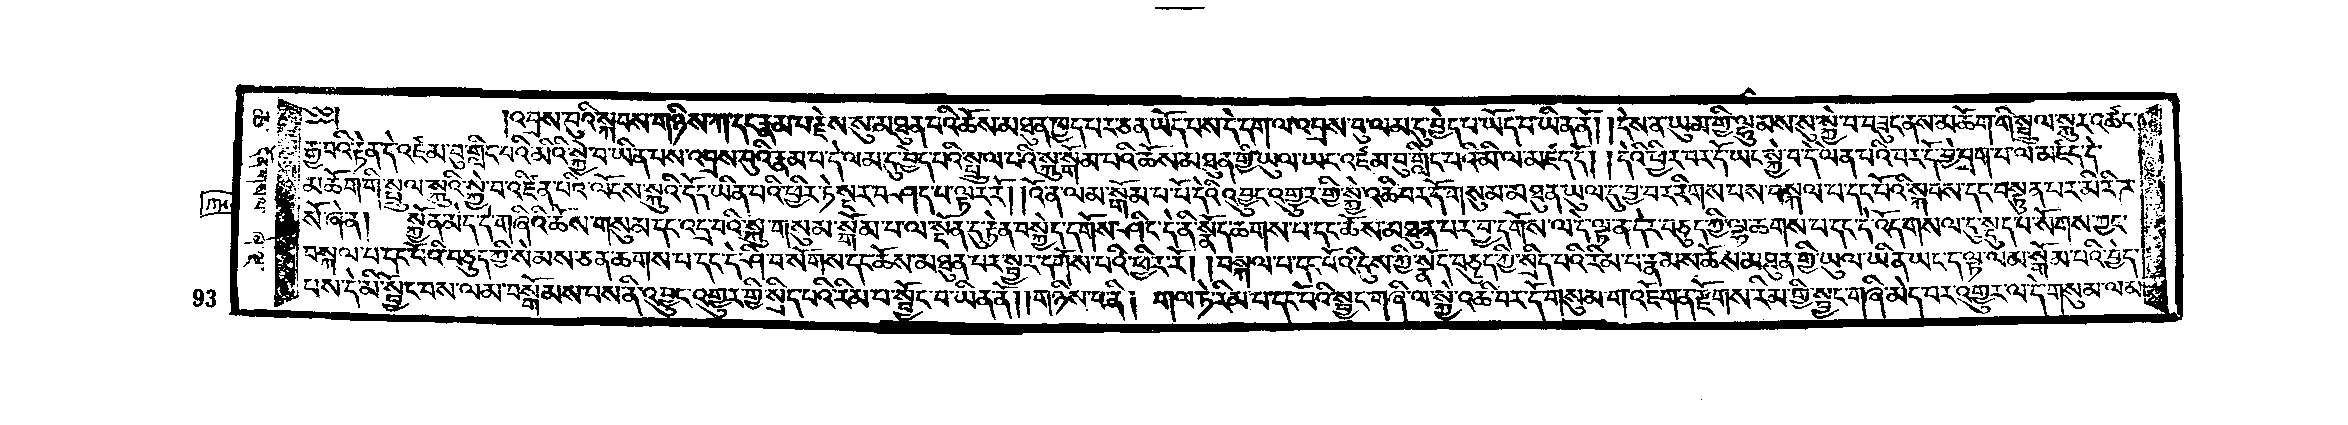༄༅། །འབྲས་བུའི་སྐབས་གཉིས་ཀ་དང་རྣམ་པ་རྗེས་སུ་མཐུན་པའི་ཆོས་མཐུན་ཁྱད་པར་ཅན་ཡོད་པས་དེ་དག་ལ་འབྲས་བུ་ལམ་དུ་བྱེད་པ་ཡོད་པ་ཡིན་ནོ། །དེས་ན་ཡུམ་གྱི་ལྷུམས་སུ་སྐྱེ་བ་བཟུང་ནས་མཆོག་གི་སྤྲུལ་སྐུར་འཚང་
རྒྱ་བའི་རྟེན་དེ་འཛམ་བུ་གླིང་པའི་མིའི་སྐྱེ་བ་ཡིན་པས་འབྲས་བུའི་རྣམ་པ་དེ་ལམ་དུ་བྱེད་པའི་སྤྲུལ་པའི་སྐུ་སྒོམ་པའི་ཆོས་མཐུན་གྱི་ཡུལ་ཡང་འཛམ་བུ་གླིང་པའི་མི་ལ་མཛད་དོ། །དེའི་ཕྱིར་བར་དོ་ཡང་སྐྱེ་བ་དེ་ལེན་པའི་བར་དོ་བྱེ་བྲག་པ་ལ་མཛད་དེ་
མཆོག་གི་སྤྲུལ་སྐུའི་སྐྱེ་བ་འཛིན་པའི་ལོངས་སྐུའི་དོད་ཡིན་པའི་ཕྱིར་ཏེ་སྔར་བཤད་པ་ལྟར་རོ། །འོ་ན་ལམ་སྒོམ་པ་པོ་དེའི་འབྱུང་འགྱུར་གྱི་སྐྱེ་འཆི་བར་དོ་གསུམ་མཐུན་ཡུལ་དུ་བྱ་བར་རིགས་པས་བསྐལ་པ་དང་པོའི་སྐབས་དང་བསྟུན་པར་མི་རིགས་
སོ་ཞེ་ན། སྐྱོན་མེད་དེ་གཞིའི་ཆོས་གསུམ་དང་འདྲ་བའི་སྐུ་གསུམ་སྒོམ་པ་ལ་སྔོན་དུ་རྟེན་བསྐྱེད་དགོས་ཤིང་དེ་ནི་སྣོད་ཆགས་པ་དང་ཆོས་མཐུན་པར་བྱ་དགོས་ལ་དེ་ལྟ་ན་དེར་བཅུད་ཀྱི་ལྷ་ཆགས་པ་དང་དེ་འོད་གསལ་དུ་སྡུད་པ་སོགས་ཀྱང་
བསྐལ་པ་དང་པོའི་བཅུད་ཀྱི་སེམས་ཅན་ཆགས་པ་དང་དེ་ཤི་བ་སོགས་དང་ཆོས་མཐུན་པར་སྦྱར་དགོས་པའི་ཕྱིར་རོ། །བསྐལ་པ་དང་པོའི་དུས་ཀྱི་སྣོད་བཅུད་ཀྱི་སྲིད་པའི་རིམ་པ་རྣམས་ཆོས་མཐུན་གྱི་ཡུལ་ཡིན་ཡང་ད་ལྟ་ལམ་སྒོམ་པའི་བྱེད་
པས་དེ་མི་སྦྱོང་བས་ལམ་བསྒོམས་པས་ནི་འབྱུང་འགྱུར་གྱི་སྲིད་པའི་རིམ་པ་སྦྱོར་བ་ཡིན་ནོ། །གཉིས་པ་ནི། གལ་ཏེ་རིམ་པ་དང་པོའི་སྦྱང་གཞི་ལ་སྐྱེ་འཆི་བར་དོ་གསུམ་ག་འཇོག་ན་རྫོགས་རིམ་གྱི་སྦྱང་གཞི་མེད་པར་འགྱུར་ལ་དེ་གསུམ་ལམ་